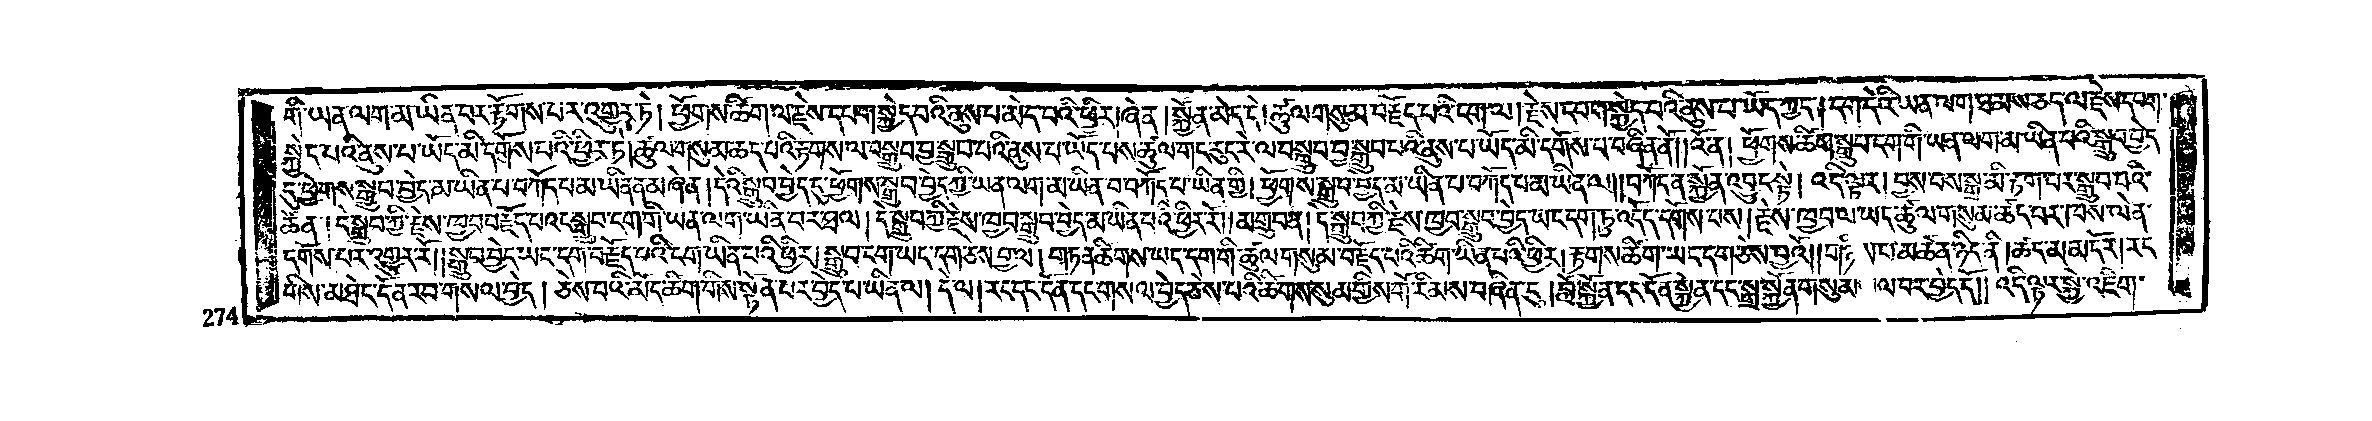གི་ཡན་ལག་མ་ཡིན་པར་རྟོགས་པར་འགྱུར་ཏེ། ཕྱོགས་ཚིག་ལ་རྗེས་དཔག་སྐྱེད་པའི་ནུས་པ་མེད་པའི་ཕྱིར། ཞེ་ན། སྐྱོན་མེད་དེ། ཚུལ་གསུམ་བརྗོད་པའི་ངག་ལ། རྗེས་དཔག་སྐྱེད་པའི་ནུས་པ་ཡོད་ཀྱང་། ངག་དེའི་ཡན་ལག་ཐམས་ཅད་ལ་རྗེས་དཔག་
སྐྱེད་པའི་ནུས་པ་ཡོད་མི་དགོས་པའི་ཕྱིར་ཏེ། ཚུལ་གསུམ་ཆད་པའི་རྟགས་ལ་བསྒྲུབ་བྱ་སྒྲུབ་པའི་ནུས་པ་ཡོད་པས་ཚུལ་གང་རུང་རེ་ལ་བསྒྲུབ་བྱ་སྒྲུབ་པའི་ནུས་པ་ཡོད་མི་དགོས་པ་བཞིན་ནོ། །འོ་ན། ཕྱོགས་ཚིག་སྒྲུབ་དག་གི་ཡན་ལག་མ་ཡིན་པའི་སྒྲུབ་བྱེད་
དུ་ཕྱོགས་སྒྲུབ་བྱེད་མ་ཡིན་པ་བཀོད་པ་མ་ཡིན་ནམ་ཞེ་ན། དེའི་སྒྲུབ་བྱེད་དུ་ཕྱོགས་སྒྲུབ་བྱེད་ཀྱི་ཡན་ལག་མ་ཡིན་པ་བཀོད་པ་ཡིན་གྱི། ཕྱོགས་སྒྲུབ་བྱེད་མ་ཡིན་པ་བཀོད་པ་མ་ཡིན་ལ། །བཀོད་ན་སྐྱོན་འབྱུང་སྟེ། འདི་ལྟར། བྱས་པས་སྒྲ་མི་རྟག་པར་སྒྲུབ་པའི་
ཚེ་ན། དེ་སྒྲུབ་ཀྱི་རྗེས་ཁྱབ་བརྗོད་པའང་སྒྲུབ་དག་གི་ཡན་ལག་ཡིན་པར་ཐལ། དེ་སྒྲུབ་ཀྱི་རྗེས་ཁྱབ་སྒྲུབ་བྱེད་མ་ཡིན་པའི་ཕྱིར་རོ། །མ་གྲུབ་ན། དེ་སྒྲུབ་ཀྱི་རྗེས་ཁྱབ་སྒྲུབ་བྱེད་ཡང་དག་ཏུ་འདོད་དགོས་པས། རྗེས་ཁྱབ་ལ་ཡང་ཚུལ་གསུམ་ཚད་བར་ཁས་ལེན་
དགོས་པར་འགྱུར་རོ། །སྒྲུབ་བྱེད་ཡང་དག་བརྗོད་པའི་ངག་ཡིན་པའི་ཕྱིར། སྒྲུབ་དག་ཡང་དག་ཅེས་བྱ་ལ། གཏན་ཚིགས་ཡང་དག་གི་ཚུལ་གསུམ་བརྗོད་པའི་ཚིག་ཡིན་པའི་ཕྱིར། རྟགས་ཚིག་ཡང་དག་ཅེས་བྱའོ། །གཉིས་པ་མཚན་ཉིད་ནི། ཚད་མ་མདོར། རང་
གིས་མཐོང་དོན་རབ་གསལ་བྱེད། ཅེས་པའི་མོད་ཚིག་གིས་སྟོན་པར་བྱེད་པ་ཡིན་ལ། དེ་ལ། རང་དང་དོན་དང་གསལ་བྱེད་ཅེས་པའི་ཚིགས་སུམ་གྱིས་གོ་རིམས་བཞིན་དུ། བློ་སྐྱོན་དང་དོན་སྐྱོན་དང་སྒྲ་སྐྱོན་གསུམ་སེལ་བར་བྱེད་དེ། །འདི་ལྟར་སྐྱེ་འཇིག་